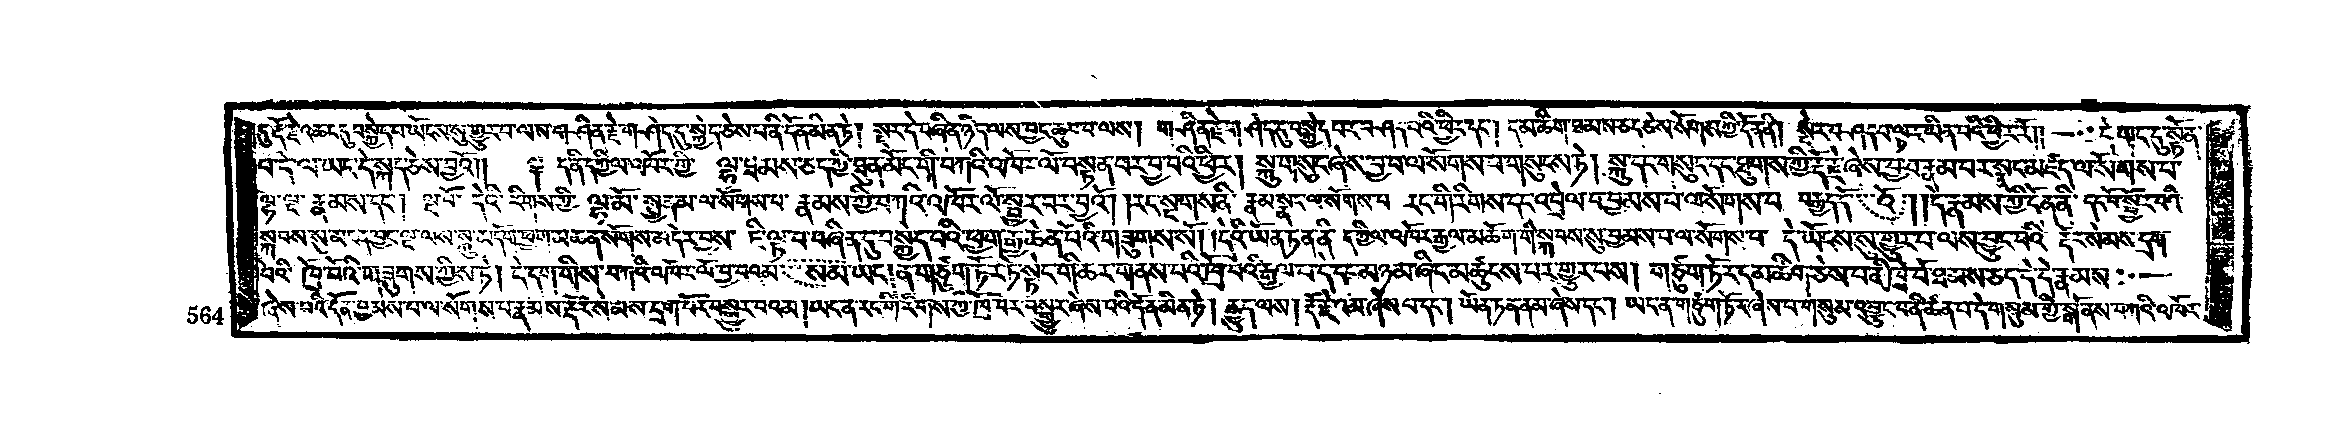ཐམས་ཅད་དུ་བསྐྱེད་པ་ཡོངས་སུ་གྱུར་པ་ལས་གཤིན་རྗེ་གཤེད་དུ་སྐྱེད་ཅེས་པ་ནི་དོན་མིན་ཏེ། སྔར་དེ་བཞིན་ཉིད་ལས་བྱང་ཆུབ་པ་ལས། གཤིན་རྗེ་གཤེད་དུ་བསྐྱེད་པར་བཤད་པའི་ཕྱིར་དང་། དམ་ཚིག་ཐམས་ཅད་ཅེས་སོགས་ཀྱི་དོན་ནི། སྔར་བཤད་པ་ལྟར་ཡིན་པའི་ཕྱིར་རོ།། དེ་གང་དུ་སྟོན་
པ་ཡང་དེ་སྐད་ཅེས་བྱའོ།། ༈ ད་ནི་དཀྱིལ་འཁོར་གྱི་ལྷ་ཐམས་ཅད་ཀྱི་ཐུན་མོང་གི་བཀའི་འཁོར་ལོ་བསྟན་པར་བྱ་བའི་ཕྱིར། སྐུ་གསུང་ཞེས་བྱ་བ་ལ་སོགས་པ་གསུངས་ཏེ། སྐུ་དང་གསུང་དང་ཐུགས་ཀྱི་རྡོ་རྗེ་ཞེས་བྱ་བ་རྣམ་པར་སྣང་མཛད་ལ་སོགས་པ་
རྣམས་དང་། ལྔ་པོ་དེའི་རིགས་ཀྱི་ལྷ་མོ་སྤྱན་མ་ལ་སོགས་པ་རྣམས་ཀྱི་བཀའི་འཁོར་ལོ་སྦྱར་བར་བྱའོ། །རང་སྔགས་ནི་རྣམ་སྣང་ལ་སོགས་པ་རང་གི་རིགས་དང་འབྲེལ་བ་བྱམས་པ་ལ་སོགས་པ་བརྒྱད་དོ་འོ། །དེ་རྣམས་ཀྱི་དོན་ནི་དང་པོ་སྦྱོར་བའི་
རྗེས་སུ་མངོན་བྱང་ལྔ་ལས་སྐུ་མདོག་ཕྱག་མཚན་སོགས་མདོར་བྱས་ཇི་ལྟ་བ་བཞིན་དུ་བསྐྱེད་པའི་ཕྱག་རྒྱ་ཆེན་པོའི་གཟུགས་སོ། །དེའི་ཡོན་ཏན་ནི་དཀྱིལ་འཁོར་རྒྱལ་མཆོག་གི་སྐབས་སུ་བྱམས་པ་ལ་སོགས་པ་དེ་ཡོངས་སུ་གྱུར་པ་ལས་བྱུང་བའི་རྡོར་སེམས་དྲག་
ཁྲོ་བོའི་གཟུགས་ཀྱིས་ཏེ། དེ་དག་གིས་བཀའི་འཁོར་ལོ་བྱ་བའམ་སམ་ཡང་ན་གཙུག་ཏོར་ཏེ་སྟེང་གི་ཆར་གནས་པའི་ཁྲོ་བོའི་རྒྱལ་བ་དེ་དང་མཉམ་ཞིང་མཚུངས་པར་གྱུར་པས། གཙུག་ཏོར་དམ་ཚིག་ཅེས་པ་ནི་ཁྲོ་བོ་ཐམས་ཅད་དེ་དེ་རྣམས་
པའི་དོན་བྱམས་པ་ལ་སོགས་པ་རྣམས་རྡོར་སེམས་དྲག་པོར་བསྒྱུར་བའམ། ཡང་ན་རང་གི་རིགས་ཀྱི་ཁྲོ་བོར་བསྒྱུར་ཞེས་པའི་དོན་མིན་ཏེ། རྒྱུད་ལས། རྡོ་རྗེའམ་ཞེས་པ་དང་། ཡོན་ཏན་ནམ་ཞེས་དང་། ཡང་ན་གཙུག་ཏོར་ཞེས་པ་གསུམ་འབྱུང་བ་ནི་ཚན་པ་དེ་གསུམ་གྱི་སྒོ་ནས་བཀའི་འཁོར་